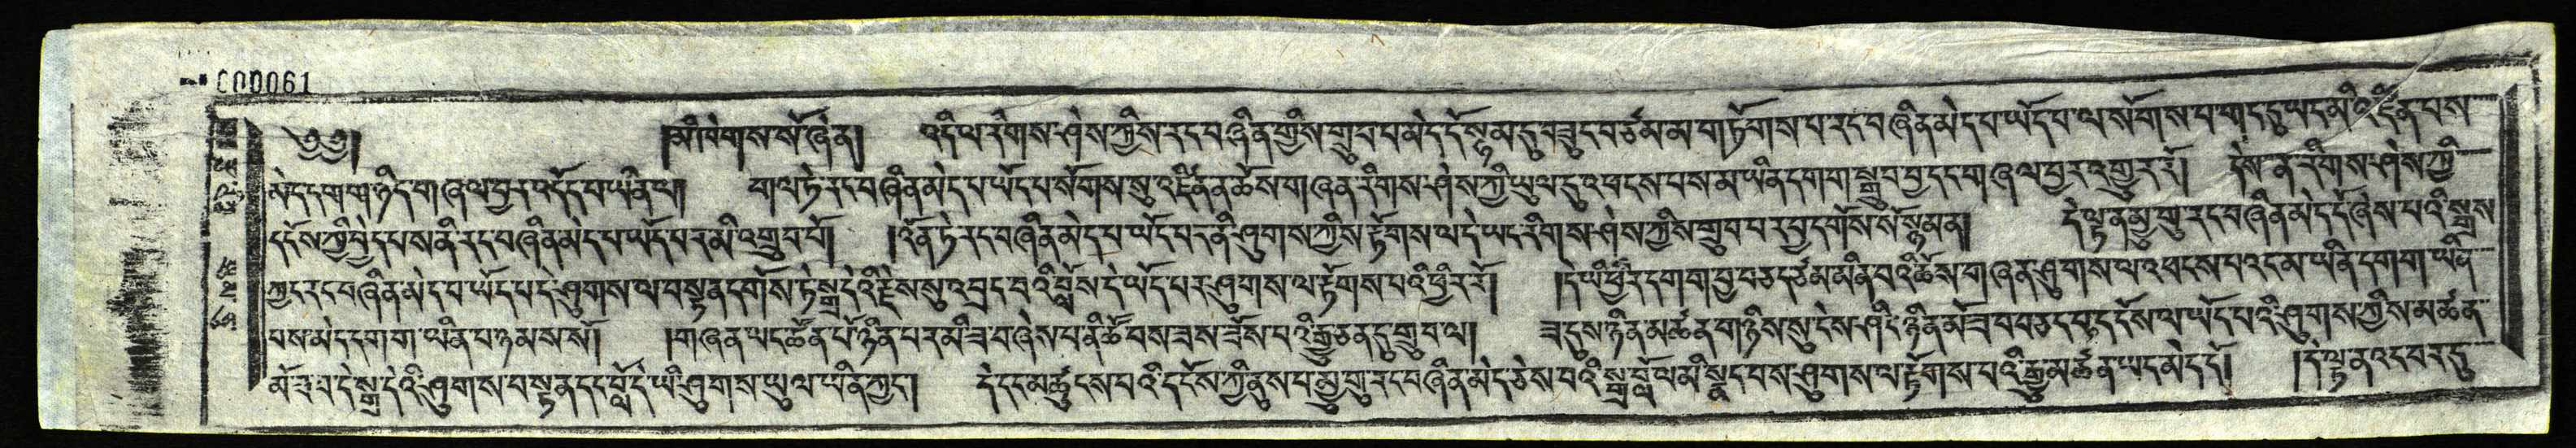༄༅། །མི་ཁེགས་སོ་ཞེ་ན། འདི་ལ་རིགས་ཤེས་ཀྱིས་རང་བཞིན་གྱིས་གྲུབ་པ་མེད་དོ་སྙམ་དུ་བཟུང་བ་ཙམ་མ་གཏོགས་པ་རང་བཞིན་མེད་པ་ཡོད་པ་ལ་སོགས་པ་གང་དུ་ཡང་མི་འཛིན་པས་
མེད་དགག་ཉིད་གཞལ་བྱར་འདོད་པ་ཡིན་ལ། གལ་ཏེ་རང་བཞིན་མེད་པ་ཡོད་པ་སོགས་སུ་འཛིན་ན་ཆོས་གཞན་རིགས་ཤེས་ཀྱི་ཡུལ་དུ་འཕངས་པས་མ་ཡིན་དགག་སྒྲུབ་བྱ་དང་གཞལ་བྱར་འགྱུར་རོ། དེས་ན་རིགས་ཤེས་ཀྱི་
དངོས་ཀྱི་བྱེད་པས་ནི་རང་བཞིན་མེད་པ་ཡོད་པར་མི་འགྲུབ་བོ། །འོན་ཏེ་རང་བཞིན་མེད་པ་ཡོད་པར་ནི་ཤུགས་ཀྱིས་རྟོགས་ལ་དེ་ཡང་རིགས་ཤེས་ཀྱིས་གྲུབ་པར་བྱ་དགོས་སོ་སྙམ་ན། དེ་ལྟ་ན་མྱུ་གུ་རང་བཞིན་མེད་དོ་ཞེས་པའི་སྒྲས་
ཀྱང་རང་བཞིན་མེད་པ་ཡོད་པ་དེ་ཤུགས་ལ་བསྟན་དགོས་ཏེ་སྒྲ་དེའི་རྗེས་སུ་འབྲང་བའི་བློས་དེ་ཡོད་པར་ཤུགས་ལ་རྟོགས་པའི་ཕྱིར་རོ། །དེ་ཡི་ཕྱིར་དགག་བྱ་བཅད་ཙམ་མིན་པའི་ཆོས་གཞན་ཤུགས་ལ་འཕངས་པའང་མ་ཡིན་དགག་ཡིན་
པས་མེད་དགག་ཡིན་པ་ཉམས་སོ། །གཞན་ཡང་ཚོན་པོ་ཉིན་པར་མི་ཟ་བ་ཞེས་པ་ནི་ཚོ་བས་ཟས་ཟོས་པའི་རྒྱུ་ཅན་དུ་གྲུབ་ལ། ཟ་དུས་ཉིན་མཚན་གཉིས་སུ་ངེས་ཤིང་ཉིན་མོ་ཟ་བ་བཅད་པ་དངོས་ལ་ཡོད་པའི་ཤུགས་ཀྱིས་མཚན་
མོ་ཟ་བ་དེ་སྒྲ་དེའི་ཤུགས་བསྟན་དང་བློ་དེ་ཡི་ཤུགས་ཡུལ་ཡིན་ཀྱང་། དེ་དང་མཚུངས་པའི་དངོས་ཀྱི་ནུས་པ་མྱུ་གུ་རང་བཞིན་མེད་ཅེས་པའི་སྒྲ་བློ་ལ་མི་སྣང་བས་ཤུགས་ལ་རྟོགས་པའི་རྒྱུ་མཚན་ཡང་མེད་དོ། །དེ་ལྟ་ནའང་བར་དུ་